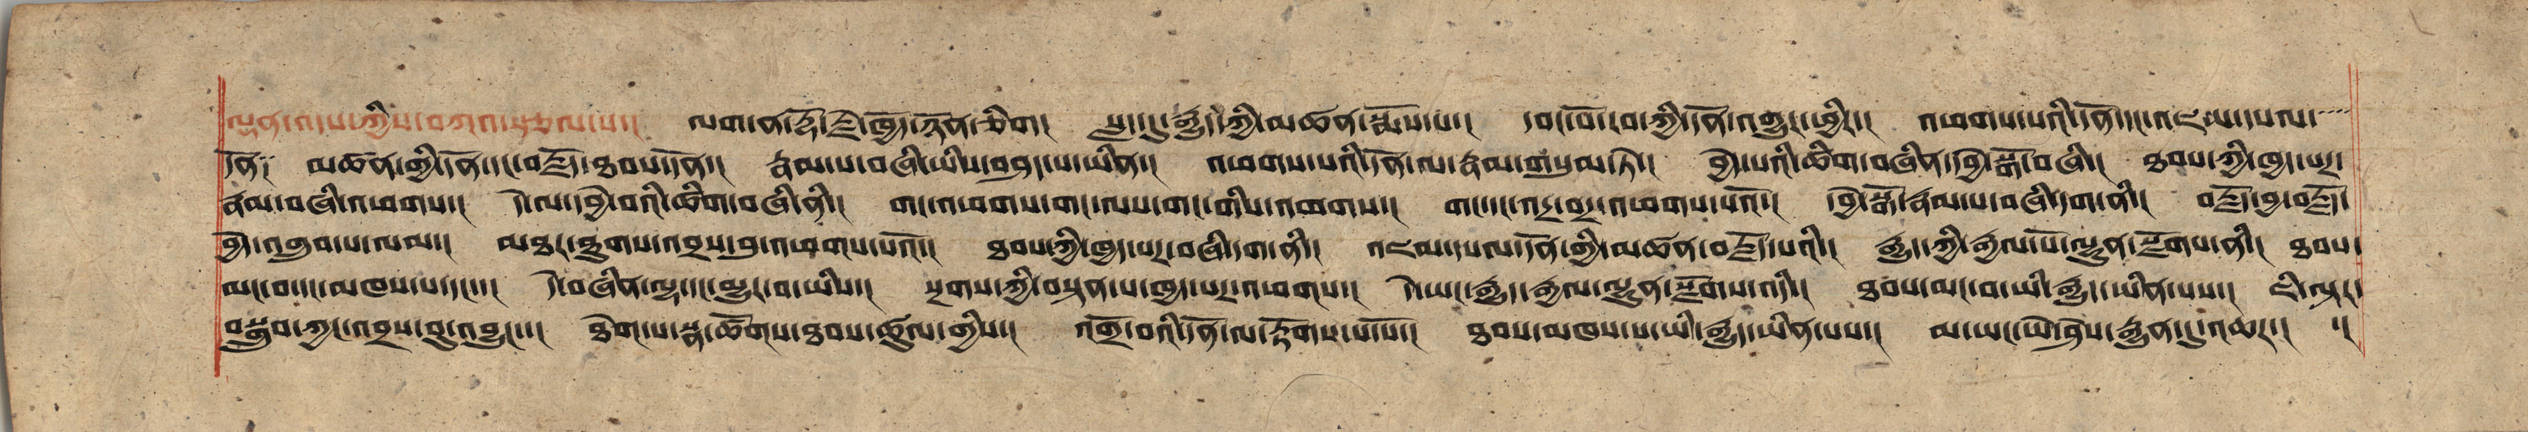ལྡན་འདས་ཀྱིས་བཀའ་སྩལ་པ་། ལག་ན་རྡོ་རྗེ་ཁྱོད་ཉོན་ཅིག། སླད་དུ་རྒྱུད་ཀྱི་མཚན་སྨོས་པ་། དབང་བོ་རབ་ཀྱི་དོན་འགྱུར་ཕྱིར་། འཕགས་པའི་དོན་དང་འཇམ་དཔལ་
དོན༑ མཚན་གྱི་དོན་དང་བརྗོད་ཐབས་དོན་། རྣམ་པ་བཞི་ཡིས་བཤད་པ་ཡིན་། འཕགས་པའི་དོན་ལ་རྣམ་གསུམ་ཏེ་། བྱེད་པའི་ཚིག་བཞིན་དབྱེ་སྒོ་བཞི་། ཐབས་ཀྱི་ཁྱད་པར་
རྣམ་བཞི་འཕགས་་། དེ་ལ་དབྱེ་བའི་ཚིག་བཞི་ནི་། གང་འཕགས་གང་ལས་གང་གིས་འགགས་། གང་དང་འདྲ་བར་འཕགས་པའོ་། དབྱེ་སྒོ་རྣམ་པ་བཞི་དག་ནི་། བརྗོད་བྱ་བརྗོད་
བྱེད་འགྲུབ་པ་ལམ་། མཐར་ཐུགས་འབྲས་བུ་འཕགས་པའོ་། ཐབས་ཀྱི་ཁྱད་པར་བཞི་དག་ནི་། འཇམ་དཔལ་དོན་གྱི་མཚན་བརྗོད་པའི་། རྒྱུད་ཀྱི་རྒྱལ་པོ་ལྷུན་སྫོགས་ནི་། ཐབས་
མང་བ་དང་མཁས་པ་དང་་། དེ་བཞིན་ལྷ་དང་མྱུར་བ་ཡིས་། སྔགས་ཀྱི་བསྟན་པ་ཁྱད་པར་འཕགས་། དེ་ཡང་རྒྱུད་རྒྱལ་ལྷུན་སྫོགས་འདི་། ཐབས་མང་བ་ཡི་རྒྱུད་ཡིན་པས་། ཇི་ལྟར་
བསྒྲུབ་ཀྱང་འབྲས་བུ་འབྱུང་་། ཐེག་པ་སྣ་ཚོགས་ཐབས་ཚུལ་གྱིས་། འགྲོ་བའི་དོན་ལ་རྟོགས་པ་པོ་། ཐབས་མཁས་པ་ཡི་རྒྱུད་ཡིན་པས་། མ་ཡང་ཡེ་ཤེས་རྒྱུན་དུ་འཆར་། ་།